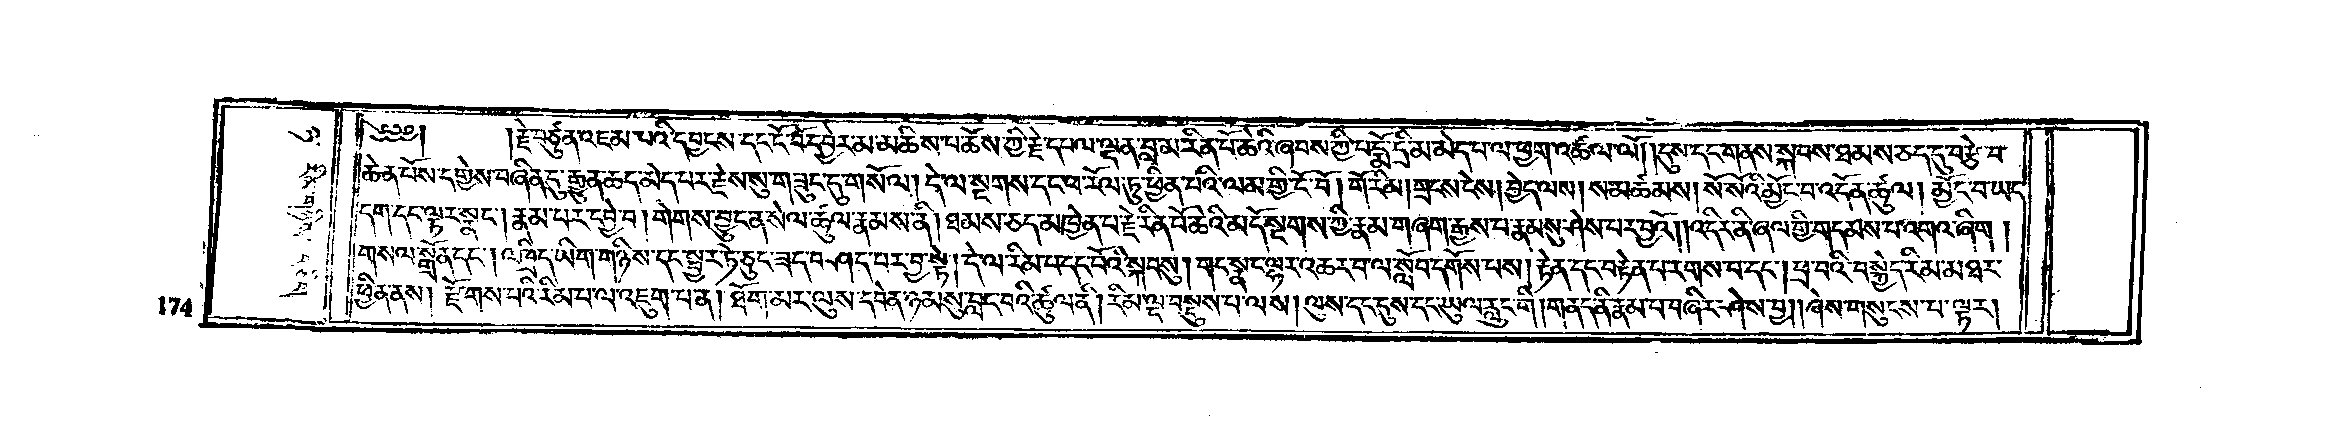༄༅། །རྗེ་བཙུན་འཇམ་པའི་དབྱངས་དང་ངོ་བོ་དབྱེར་མ་མཆིས་པ་ཆོས་ཀྱི་རྗེ་དཔལ་ལྡན་བླ་མ་རིན་པོ་ཆེའི་ཞབས་ཀྱི་པདམོ་དྲི་མ་མེད་པ་ལ་ཕྱག་འཚལ་ལོ། །དུས་དང་གནས་སྐབས་ཐམས་ཅད་དུ་བརྩེ་བ་
ཆེན་པོས་དགྱེས་བཞིན་དུ་རྒྱུན་ཆད་མེད་པར་རྗེས་སུ་གཟུང་དུ་གསོལ། དེ་ལ་སྔགས་དང་ཕ་རོལ་ཏུ་ཕྱིན་པའི་ལམ་གྱི་ངོ་བོ། གོ་རིམ། གྲངས་ངེས། བྱེད་ལས། ས་མཚམས། སོ་སོའི་མྱོང་བ་འདོན་ཚུལ། མྱོང་བ་ཡང་
དག་དང་ལྟར་སྣང་། རྣམ་པར་དབྱེ་བ། གེགས་བྱུང་ན་སེལ་ཚུལ་རྣམས་ནི། ཐམས་ཅད་མཁྱེན་པ་རྗེ་རིན་པོ་ཆེའི་མདོ་སྔགས་ཀྱི་རྣམ་གཞག་རྒྱས་པ་རྣམས་སུ་ཤེས་པར་བྱའོ། །འདིར་ནི་ཞལ་གྱི་གདམས་པ་འགའ་ཞིག །
གསལ་སྒྲོན་དང་། འཁྲིད་ཡིག་གཉིས་དང་སྦྱར་ཏེ་ཅུང་ཟད་བཤད་པར་བྱ་སྟེ། དེ་ལ་རིམ་པ་དང་པོའི་སྐབས་སུ། གང་སྣང་ལྷར་འཆར་བ་ལ་སློབ་དགོས་པས། རྟེན་དང་བརྟེན་པ་རགས་པ་དང་། ཕྲ་བའི་བསྐྱེད་རིམ་མཐར་
ཕྱིན་ནས། རྫོགས་པའི་རིམ་པ་ལ་འཇུག་པ་ན། ཐོག་མར་ལུས་དབེན་ཉམས་སུ་བླང་བའི་ཚུལ་ནི། རིམ་ལྔ་བསྡུས་པ་ལས། ལུས་དང་དུས་དང་ཡུལ་རླུང་གི །གནད་ནི་རྣམ་པ་བཞིར་ཤེས་བྱ། །ཞེས་གསུངས་པ་ལྟར།